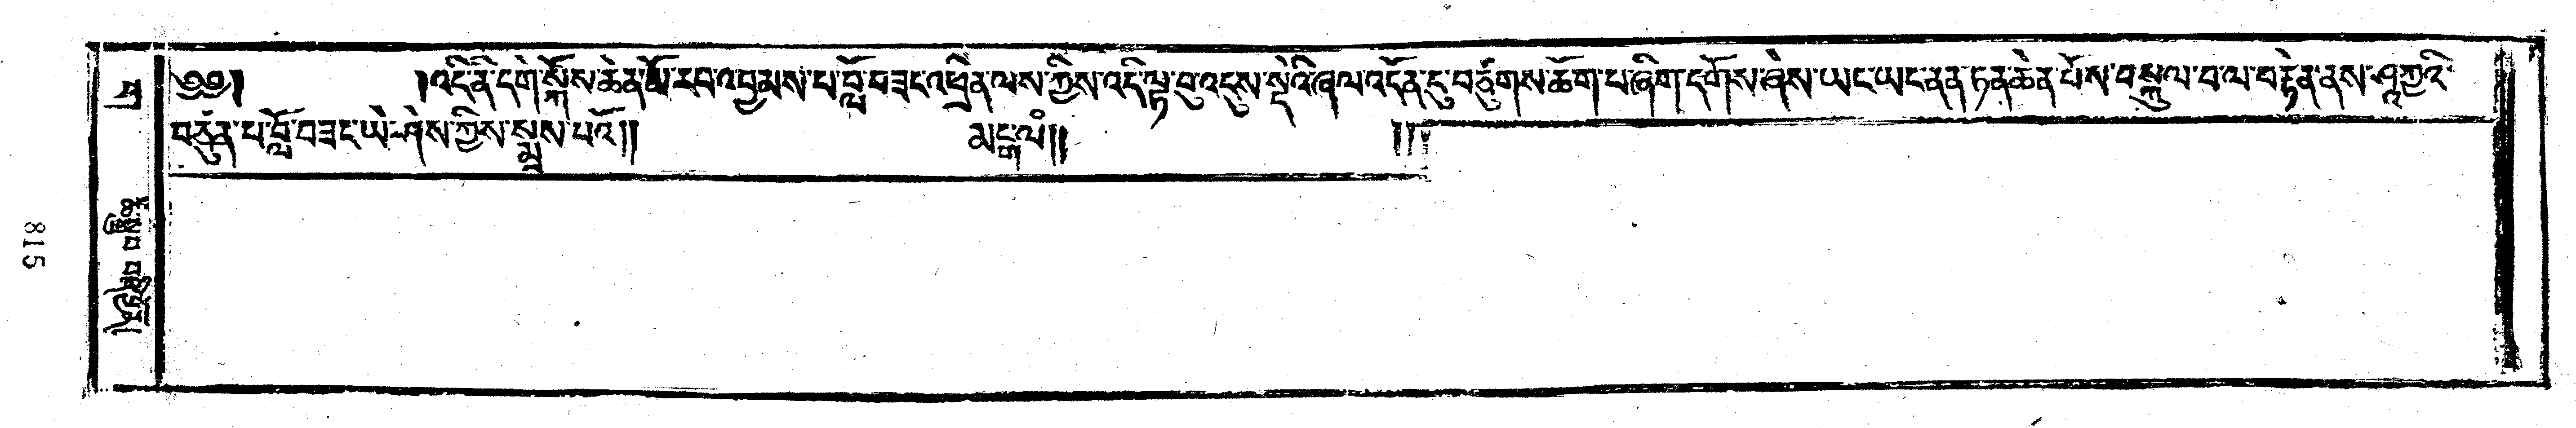༄༅། །འདི་ནི་དགེ་སྐོས་ཆེན་མོ་རབ་འབྱམས་པ་བློ་བཟང་འཕྲིན་ལས་ཀྱིས་འདི་ལྟ་བུ་འདུས་སྡེའི་ཞལ་འདོན་དུ་བཙུགས་ཆོག་པ་ཞིག་དགོས་ཞེས་ཡང་ཡང་ནན་ཏན་ཆེན་པོས་བསྐུལ་བ་ལ་བརྟེན་ནས་ཤཱཀྱའི་
བཙུན་པ་བློ་བཟང་ཡེ་ཤེས་ཀྱིས་སྨྲས་པའོ།། །།མངྒ་ལཾ།། །།